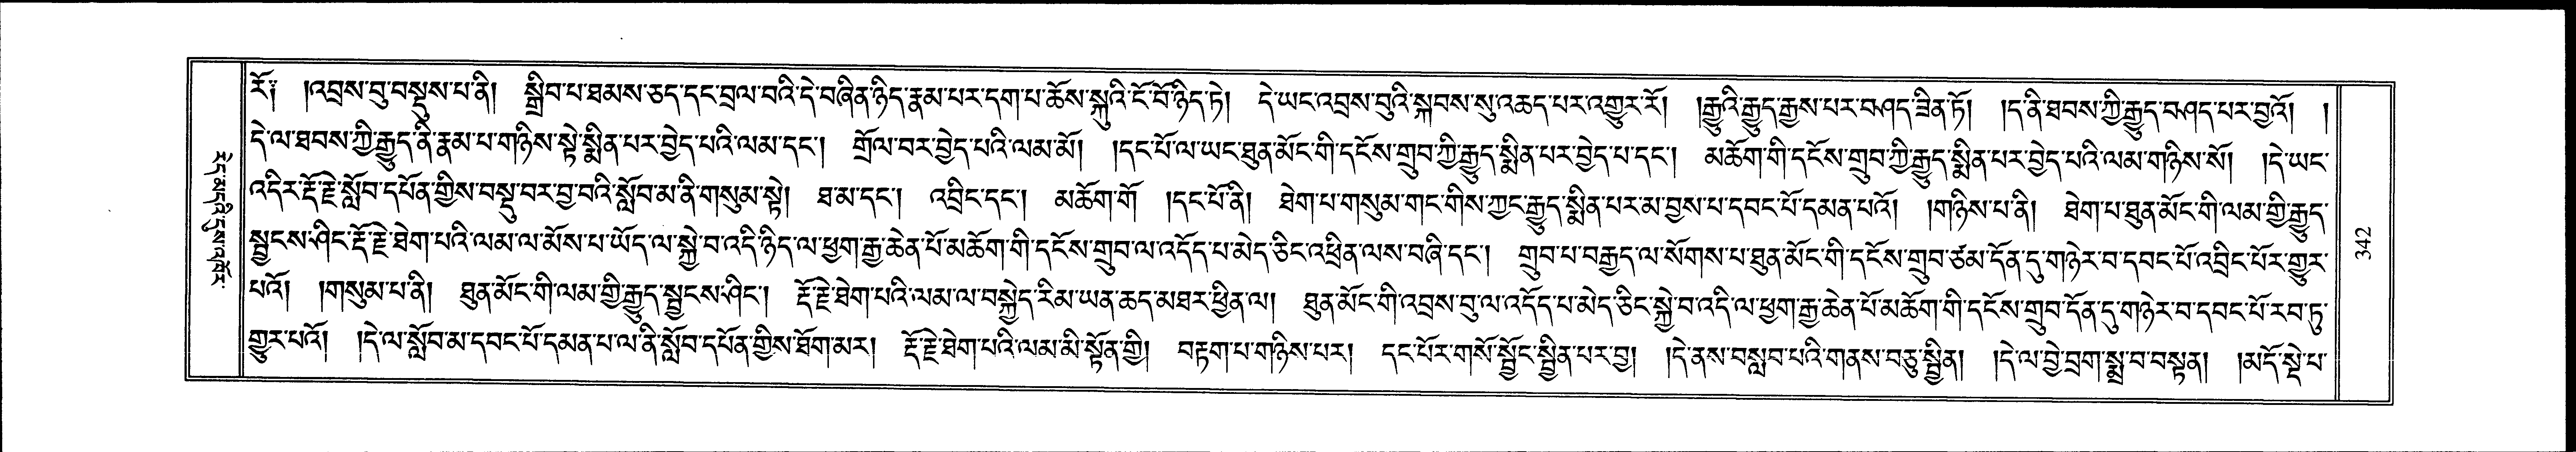རོ། །འབྲས་བུ་བསྡུས་པ་ནི། སྒྲིབ་པ་ཐམས་ཅད་དང་བྲལ་བའི་དེ་བཞིན་ཉིད་རྣམ་པར་དག་པ་ཆོས་སྐུའི་ངོ་བོ་ཉིད་ཏེ། དེ་ཡང་འབྲས་བུའི་སྐབས་སུ་འཆད་པར་འགྱུར་རོ། །རྒྱུའི་རྒྱུད་རྒྱས་པར་བཤད་ཟིན་ཏོ། །ད་ནི་ཐབས་ཀྱི་རྒྱུད་བཤད་པར་བྱའོ།།
དེ་ལ་ཐབས་ཀྱི་རྒྱུད་ནི་རྣམ་པ་གཉིས་སྟེ་སྨིན་པར་བྱེད་པའི་ལམ་དང་། གྲོལ་བར་བྱེད་པའི་ལམ་མོ། །དང་པོ་ལ་ཡང་ཐུན་མོང་གི་དངོས་གྲུབ་ཀྱི་རྒྱུད་སྨིན་པར་བྱེད་པ་དང་། མཆོག་གི་དངོས་གྲུབ་ཀྱི་རྒྱུད་སྨིན་པར་བྱེད་པའི་ལམ་གཉིས་སོ། །དེ་ཡང་
འདིར་རྡོ་རྗེ་སློབ་དཔོན་གྱིས་བསྡུ་བར་བྱ་བའི་སློབ་མ་ནི་གསུམ་སྟེ། ཐ་མ་དང་། འབྲིང་དང་། མཆོག་གོ །དང་པོ་ནི། ཐེག་པ་གསུམ་གང་གིས་ཀྱང་རྒྱུད་སྨིན་པར་མ་བྱས་པ་དབང་པོ་དམན་པའོ། །གཉིས་པ་ནི། ཐེག་པ་ཐུན་མོང་གི་ལམ་གྱི་རྒྱུད་
སྦྱངས་ཤིང་རྡོ་རྗེ་ཐེག་པའི་ལམ་ལ་མོས་པ་ཡོད་ལ་སྐྱེ་བ་འདི་ཉིད་ལ་ཕྱག་རྒྱ་ཆེན་པོ་མཆོག་གི་དངོས་གྲུབ་ལ་འདོད་པ་མེད་ཅིང་འཕྲིན་ལས་བཞི་དང་། གྲུབ་པ་བརྒྱད་ལ་སོགས་པ་ཐུན་མོང་གི་དངོས་གྲུབ་ཙམ་དོན་དུ་གཉེར་བ་དབང་པོ་འབྲིང་པོར་གྱུར་
པའོ། །གསུམ་པ་ནི། ཐུན་མོང་གི་ལམ་གྱི་རྒྱུད་སྦྱངས་ཤིང་། རྡོ་རྗེ་ཐེག་པའི་ལམ་ལ་བསྐྱེད་རིམ་ཡན་ཆད་མཐར་ཕྱིན་ལ། ཐུན་མོང་གི་འབྲས་བུ་ལ་འདོད་པ་མེད་ཅིང་སྐྱེ་བ་འདི་ལ་ཕྱག་རྒྱ་ཆེན་པོ་མཆོག་གི་དངོས་གྲུབ་དོན་དུ་གཉེར་བ་དབང་པོ་རབ་ཏུ་
གྱུར་པའོ། །དེ་ལ་སློབ་མ་དབང་པོ་དམན་པ་ལ་ནི་སློབ་དཔོན་གྱིས་ཐོག་མར། རྡོ་རྗེ་ཐེག་པའི་ལམ་མི་སྟོན་གྱི། བརྟག་པ་གཉིས་པར། དང་པོར་གསོ་སྦྱོང་སྦྱིན་པར་བྱ། །དེ་ནས་བསླབ་པའི་གནས་བཅུ་སྦྱིན། །དེ་ལ་བྱེ་བྲག་སྨྲ་བ་བསྟན། །མདོ་སྡེ་པ་